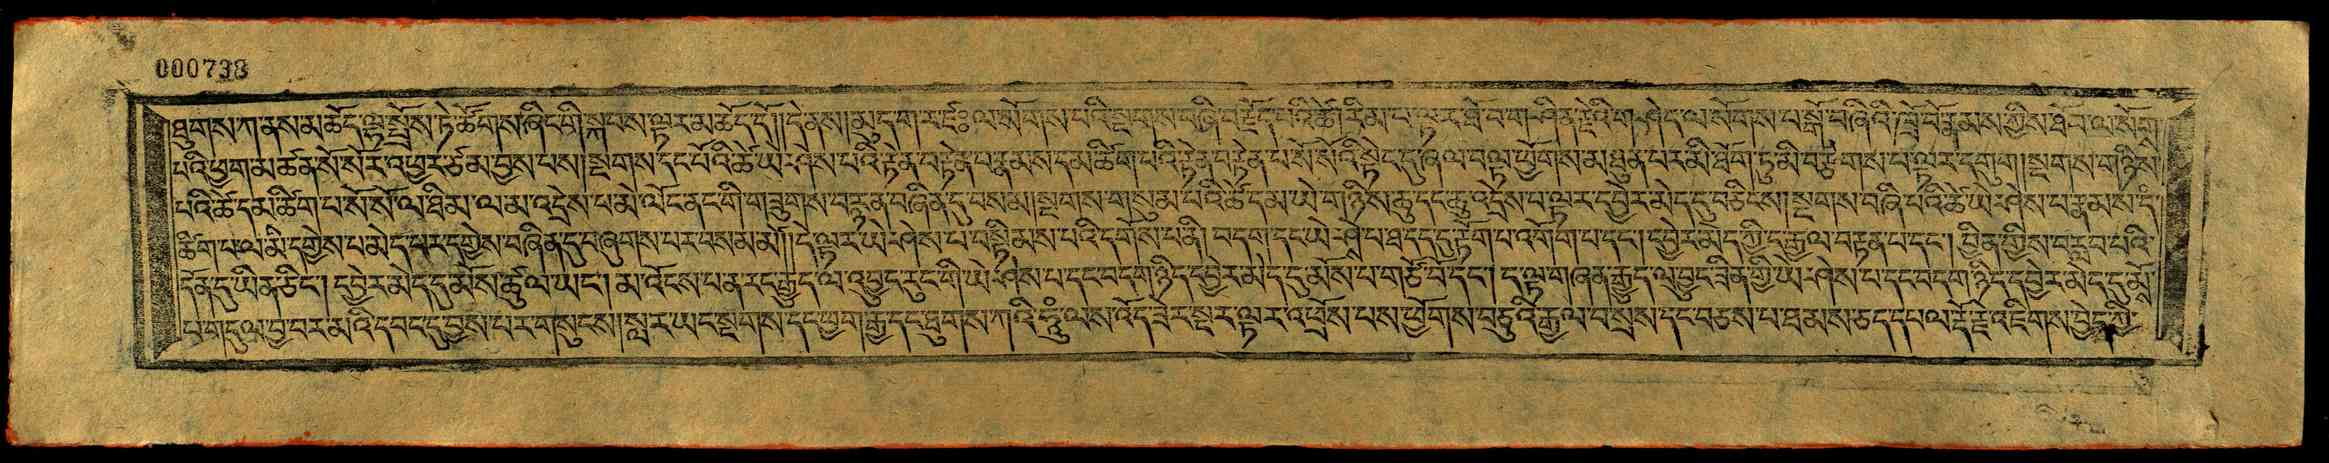ཐུགས་ཀ་ནས་མཆོད་ལྷ་སྤྲོས་ཏེ་ཚོགས་ཞིང་གི་སྐབས་ལྟར་མཆོད་དོ། །དེ་ནས། མུད་ག་ར་ཛཿ ལ་སོགས་པའི་སྔགས་བཞི་བརྗོད་པའི་ཚེ། རིམ་པ་ལྟར་ཐོ་བ་གཤིན་རྗེའི་གཤེད་ལ་སོགས་པ་སྒོ་བཞིའི་ཁྲོ་བོ་རྣམས་ཀྱི་ཐོ་བ་ལ་སོགས་
པའི་ཕྱག་མཚན་སོ་སོར་འཕྱར་ཙམ་བྱས་པས། སྔགས་དང་པོའི་ཚེ་ཡེ་ཤེས་པའི་རྟེན་བརྟེན་པ་རྣམས་དམ་ཚིག་པའི་རྟེན་བརྟེན་པ་སོ་སོའི་སྟེང་དུ་ཞལ་བལྟ་ཕྱོགས་མཐུན་པར་མི་ཐོག་ཏུ་མི་བརྩེགས་པ་ལྟར་དགུག །སྔགས་གཉིས་
པའི་ཚེ་དམ་ཚིག་པ་སོ་སོ་ལ་ཐིམ་ལ་མ་འདྲེས་པ་མེ་ལོང་ནང་གི་གཟུགས་བརྙན་བཞིན་དུ་བསམ། སྔགས་གསུམ་པའི་ཚེ་དམ་ཡེ་གཉིས་ཆུ་དང་ཆུ་འདྲེས་པ་ལྟར་དབྱེར་མེད་དུ་བཅིངས། སྔགས་བཞི་པའི་ཚེ་ཡེ་ཤེས་པ་རྣམས་དཾ་
ཚིག་པ་ལ་མི་དགྱེས་པ་མེད་པར་དགྱེས་བཞིན་དུ་བཞུགས་པར་བསམ་མོ། །དེ་ལྟར་ཡེ་ཤེས་པ་བསྟིམས་པའི་དགོས་པ་ནི། བདག་དང་ཡེ་ཤེས་པ་ཐ་དད་དུ་རྟོག་པ་འགོག་པ་དང་། དབྱེར་མེད་ཀྱི་ང་རྒྱལ་བརྟན་པ་དང་། བྱིན་གྱིས་བརླབ་པའི་
དོན་དུ་ཡིན་ཅིང་། དབྱེར་མེད་དུ་མོས་ཚུལ་ཡང་། མ་འོངས་པ་ན་རང་རྒྱུད་ལ་འབྱུང་རུང་གི་ཡེ་ཤེས་པ་དང་བདག་ཉིད་དབྱེར་མེད་དུ་མོས་པ་གཙོ་བོ་དང་། ད་ལྟ་གཞན་རྒྱུད་ལ་བྱུང་ཟིན་གྱི་ཡེ་ཤེས་པ་དང་བདག་ཉིད་དབྱེར་མེད་དུ་མོས་
པ་གདུལ་བྱ་བར་མའི་དབང་དུ་བྱས་པར་གསུངས། སླར་ཡང་སྔགས་དང་ཕྱག་རྒྱ་དང་ཐུགས་ཀའི་ཧཱུཾ་ལས་འོད་ཟེར་སྔར་ལྟར་འཕྲོས་པས་ཕྱོགས་བཅུའི་རྒྱལ་བ་སྲས་དང་བཅས་པ་ཐམས་ཅད་དཔལ་རྡོ་རྗེ་འཇིགས་བྱེད་ཀྱི་